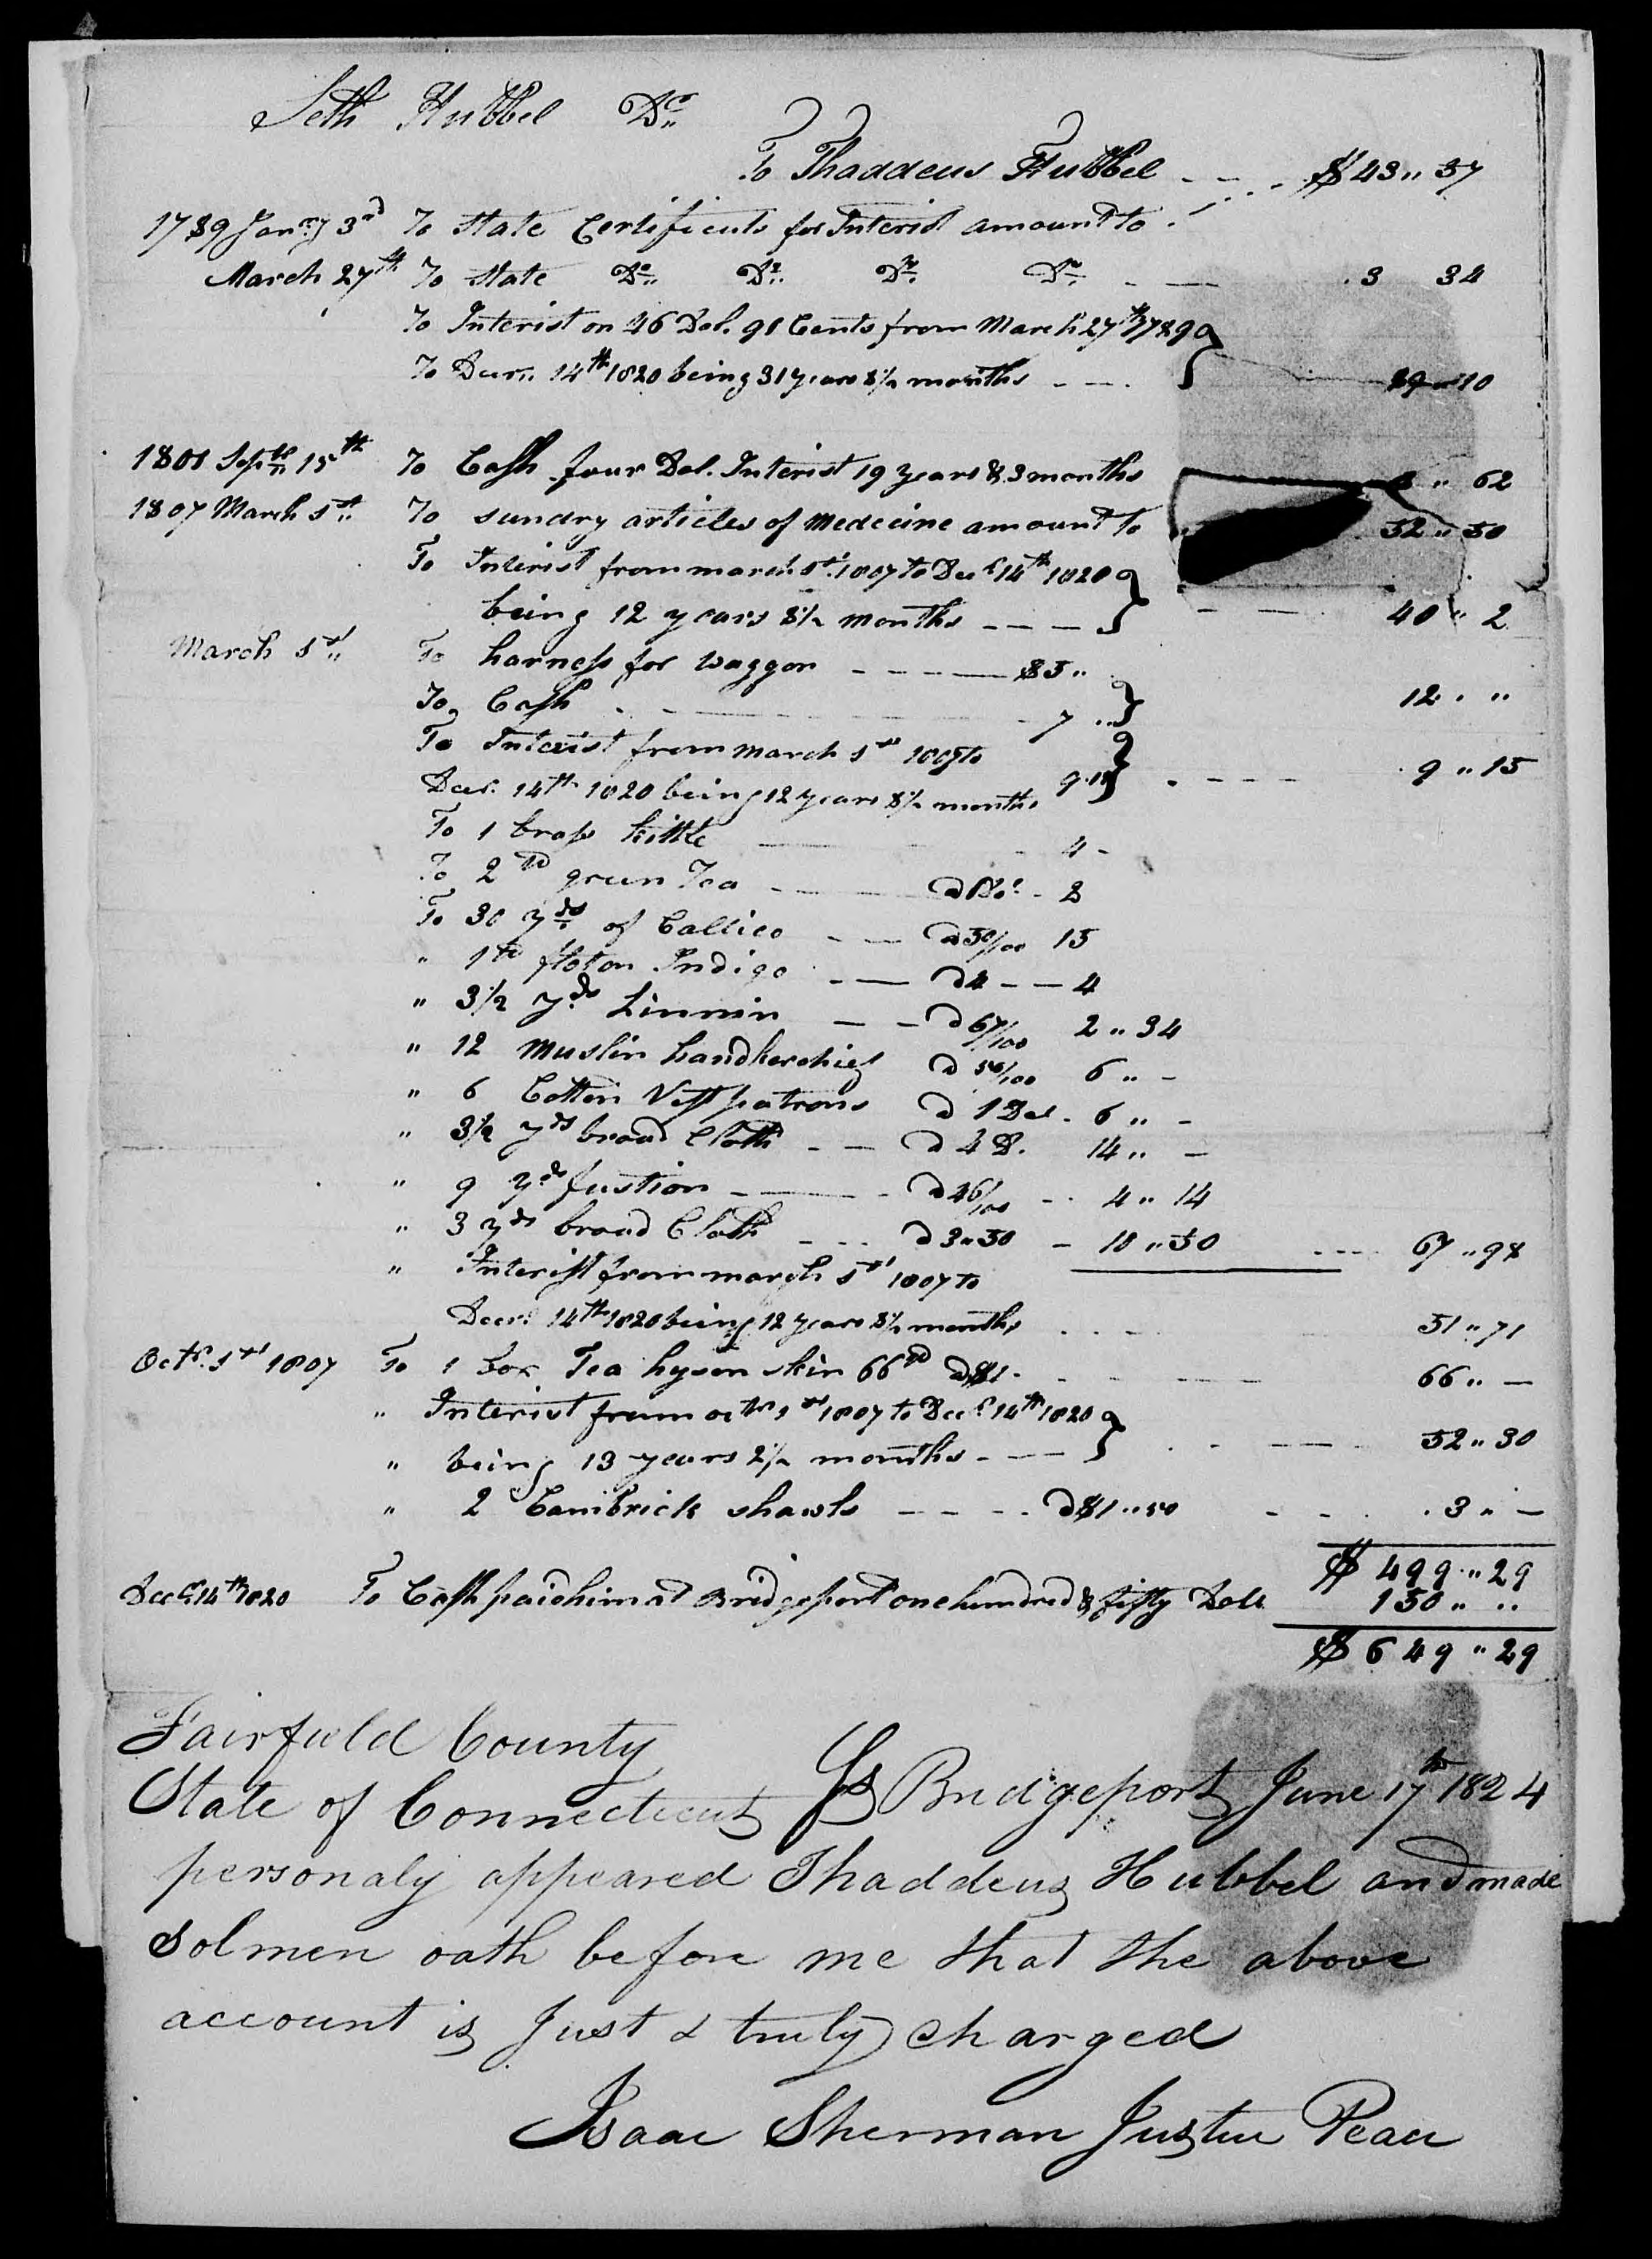Seth Hubbel    Dc
To Thaddeus Hubbel _ _ $43..37
1789 January 3rd to state certificate for Interist [sic] amount
March 27th to state Do   Do   Do   3  34

to Interist on 16 Dol. 91 Cents from March 27th 1789
                               
to Decr 14th 1820 being 31 years 8 1/2 months  _ _ $9 ..10

to Cash four Dol.  Interist 19 years & 3 months  3..62

to sundry articles of medicine amount to 32..50

to Interist from march 1st 1807 to Dec 14th 1820 being 12 years 8 1/2 months   40..2

To harness for waggon [sic]      $3 }
To Cash     7                                    }         12

 To Interist from march 1st 1807 to Decr. 14th 1820 being 12 years 8 1/2 motbns 9.15 }     9.15

To 1 brass fiddle          4
To 2  @ [illegible] green tea   [illegible] 8
To 30 yds of Callico [sic]  @ 50/100      15
 "   1 [illegible] indigo _____@4 _ _  4
 "    3 1/2 yds Linnin [sic]  __ @ 67/100       2..34
 "    12 muslin handkerchief    @ 50/100        6.. -
 " 6 Cotton [illegibe] @ 1 Dol _ 6.. -
 " 3 1/2 yds broad cloth _ ___ @ 48.         14.. -
 " 9 yds [illegible] _ _________@ 46/100 - . 4..14
 " 3 yds broad Cloth _ _ _  @ 3..50 _   10..50
_____________________________________[illegible] .. 98

 " Interist from march 1st 1807 to Decr. 14th 1820 being 12 years 8 1/2 months  . . .     51..71

Octr. 1st 1807
To 1 box Tea hyson skin 66  @ $1  _  _   _ 66.. _
 "Interist from Octr 3rd 1807 to Decr. 14th 1820 Being 13 years 2 1/2 months _ _ _                __ __ _ 52..30
 " 2 Cambrick shawls   _ _ _ @$1..50 -_ _ 3.. _
_____________________________
Dec 14th 1820 To cash paid him at Bridgeport one hundred & fifty Doll              
____________________________
$499..29
 150.. 00
____________
$649..29

Fairfield County
State of Connecticut SS Bridgeport June 17th 1824 personaly [sic] appeared Thaddeus Hubbel and made solmen [sic] oath before me that the above account is Just & truly charged
Isaac Sherman Justice Peace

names: Thaddeus Hubbel, Isaac Sherman, Seth Hubbel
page: 97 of 114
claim: widow's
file: W. 2115, Seth Hubbell, Conn.